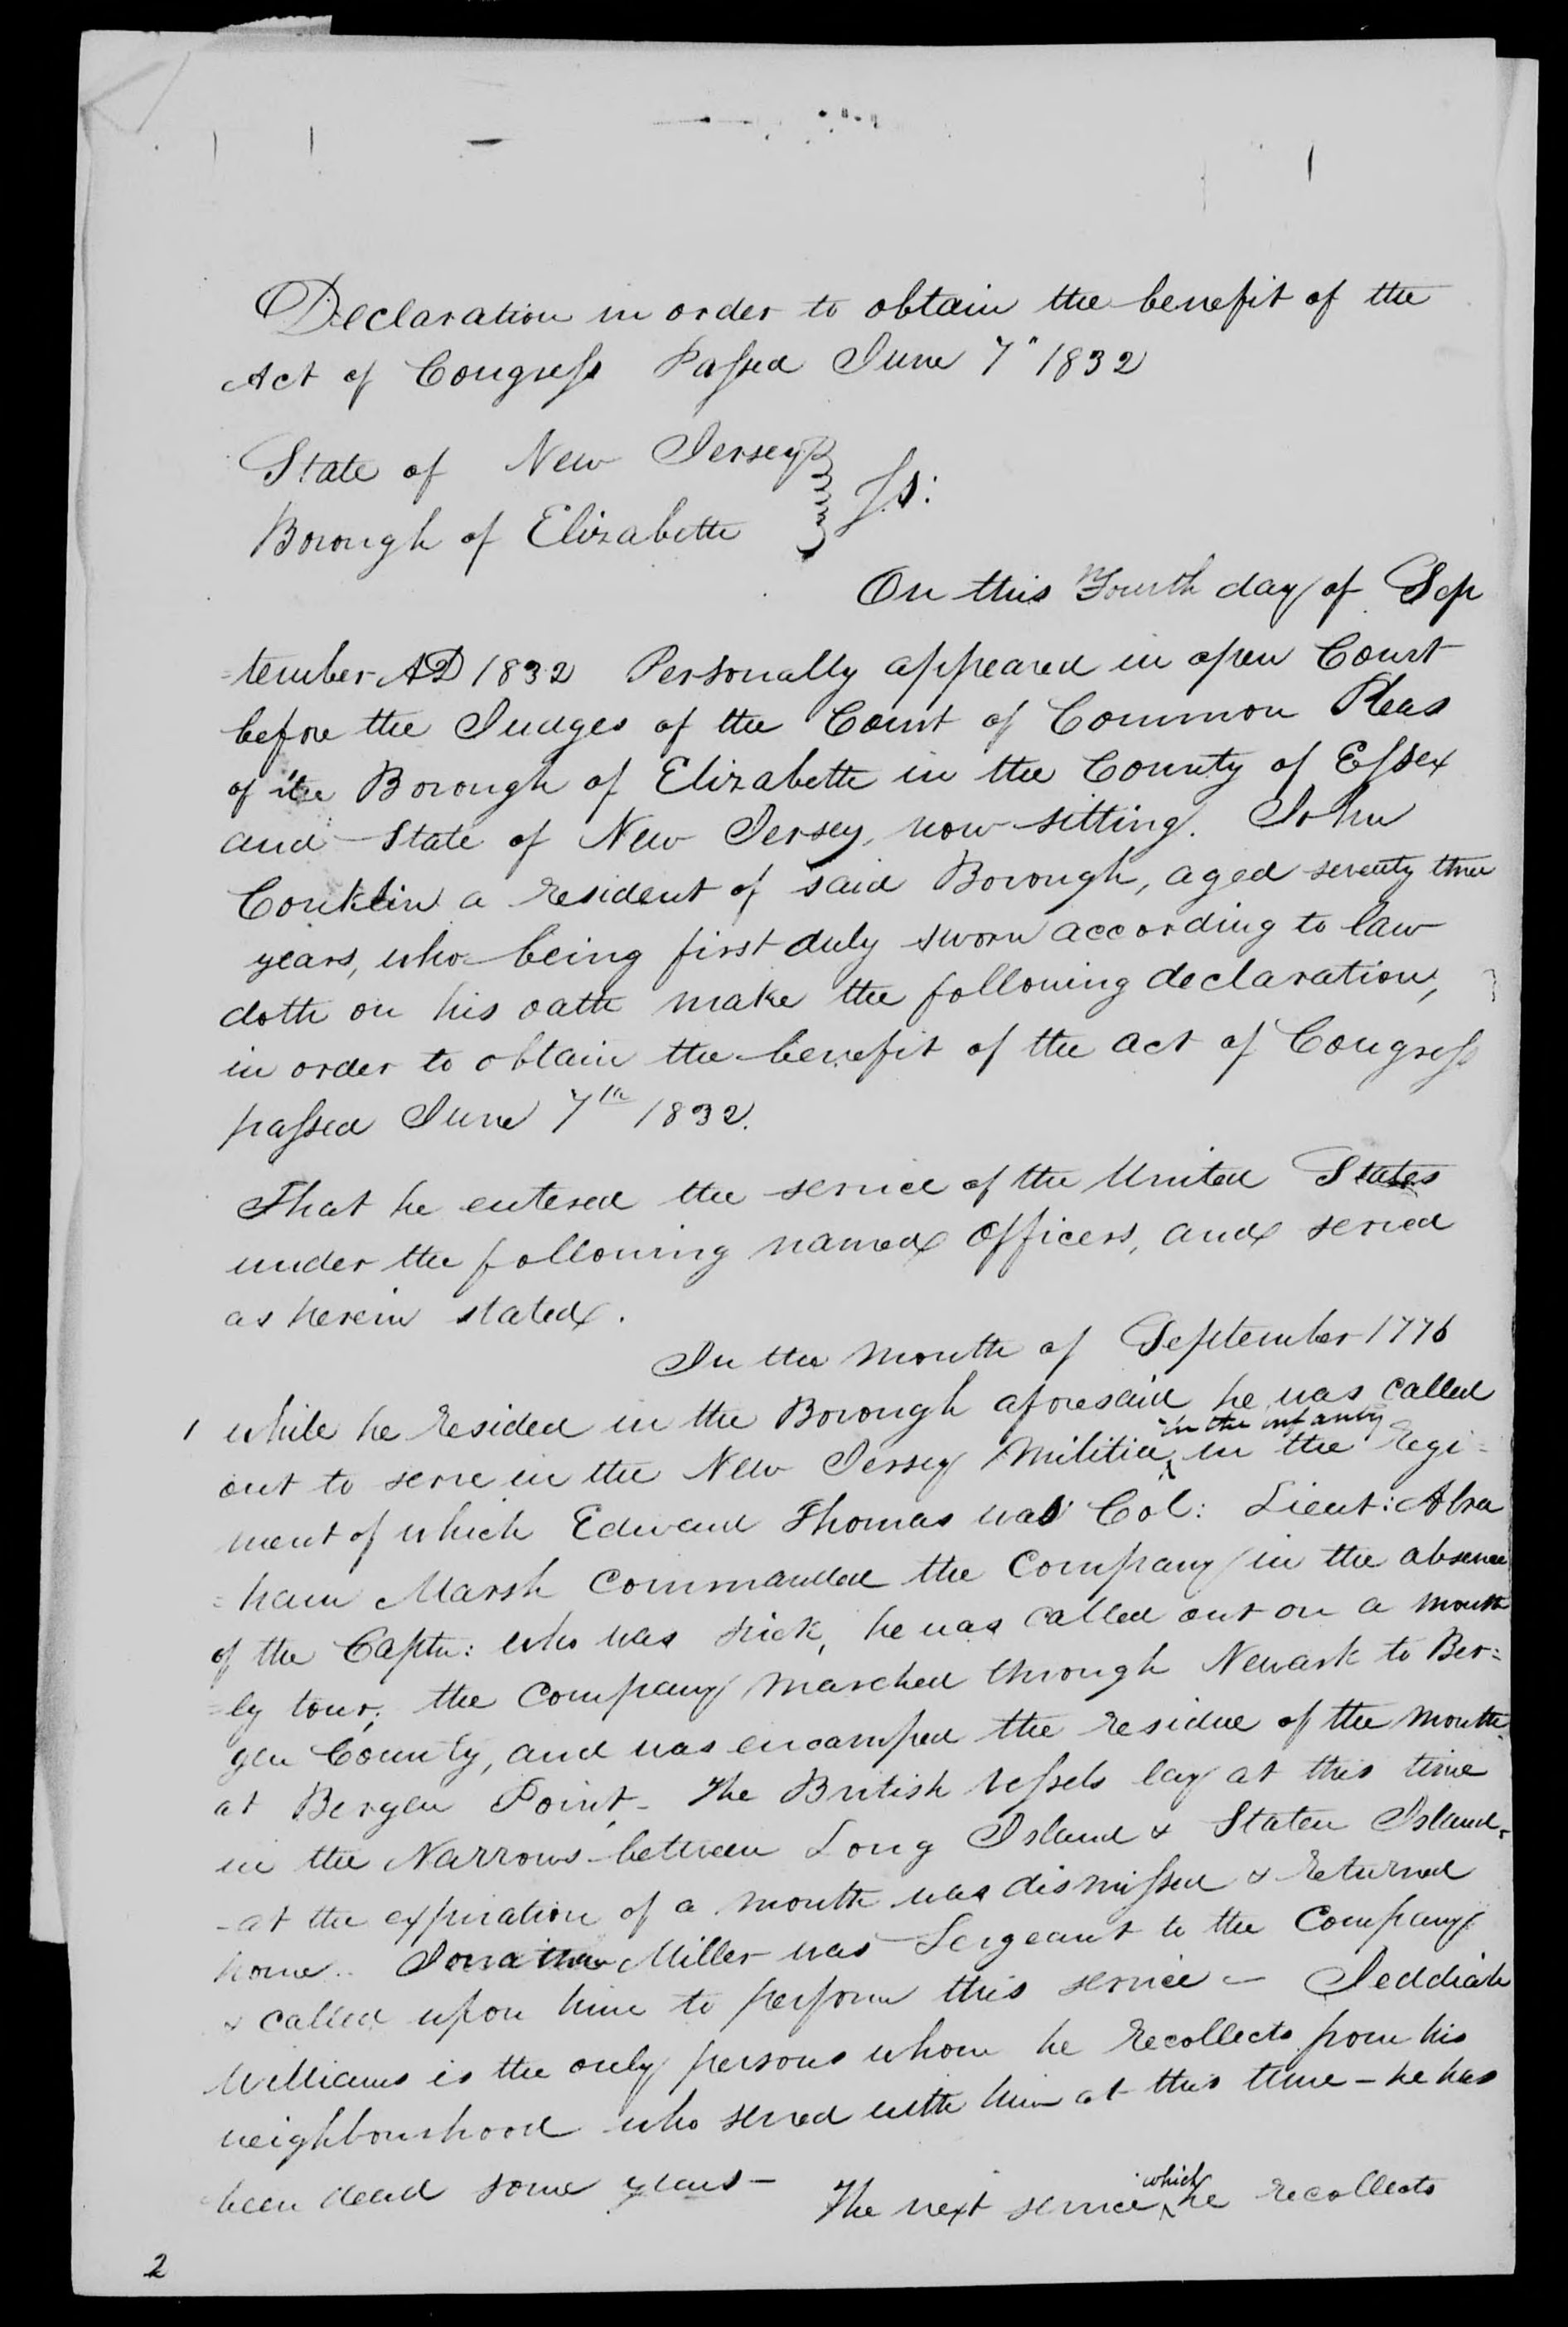Declaration in order to obtain the benefit of the
Act of Congress passed June 7th 1832

State of New Jersey
Borough of Elizabeth}

On this Fourth day of September AD 1832
Personally appeared in open court before 
the Judges of the Court of Common Pleas 
of the Borough of Elizabeth in the County of Essex 
and State of New Jersey, now sitting.  John
Conklin a resident of said Borough, aged seventy three
years, who being first duly sworn according to law
doth on his oath make the following declaration,
in order to obtain the benefit of the act of Congress
passed June 7th 1832.

That he entered the service of the United States
under the following named officers, and served
as herein stated.

In the month of September 1776
1  while he resided in the Borough aforesaid he was called 
out to serve in the New Jersey Militia in the infantry in the
regiment of which Edward Thomas was Col. Lieut. Abraham
Marsh Commanded the company in the absence
of the Captn who was sick, he was called out on a monthly
tour; the company marched through Newark to Bergen
Point-  The British rebels lay at this time 
in the Narrows between Long Island & Staten Island.
- at the expiration of a month was dismissed & returned
home.  Jonathan Miller was Sergeant to the Company
& called upon him to perform this service --  Jeddiah
Williams is the only person whom he recollects from his
neighbourhood who served with him at this time - he has
been dead some years - 

2  The next service which he recollects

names: John Conklin, Jonathan Miller, Abraham Marsh, Edward Thomas, Jeddiah Williams, Nick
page: 4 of 28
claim: survivor's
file: S 2464, John Conklin, New Jersey